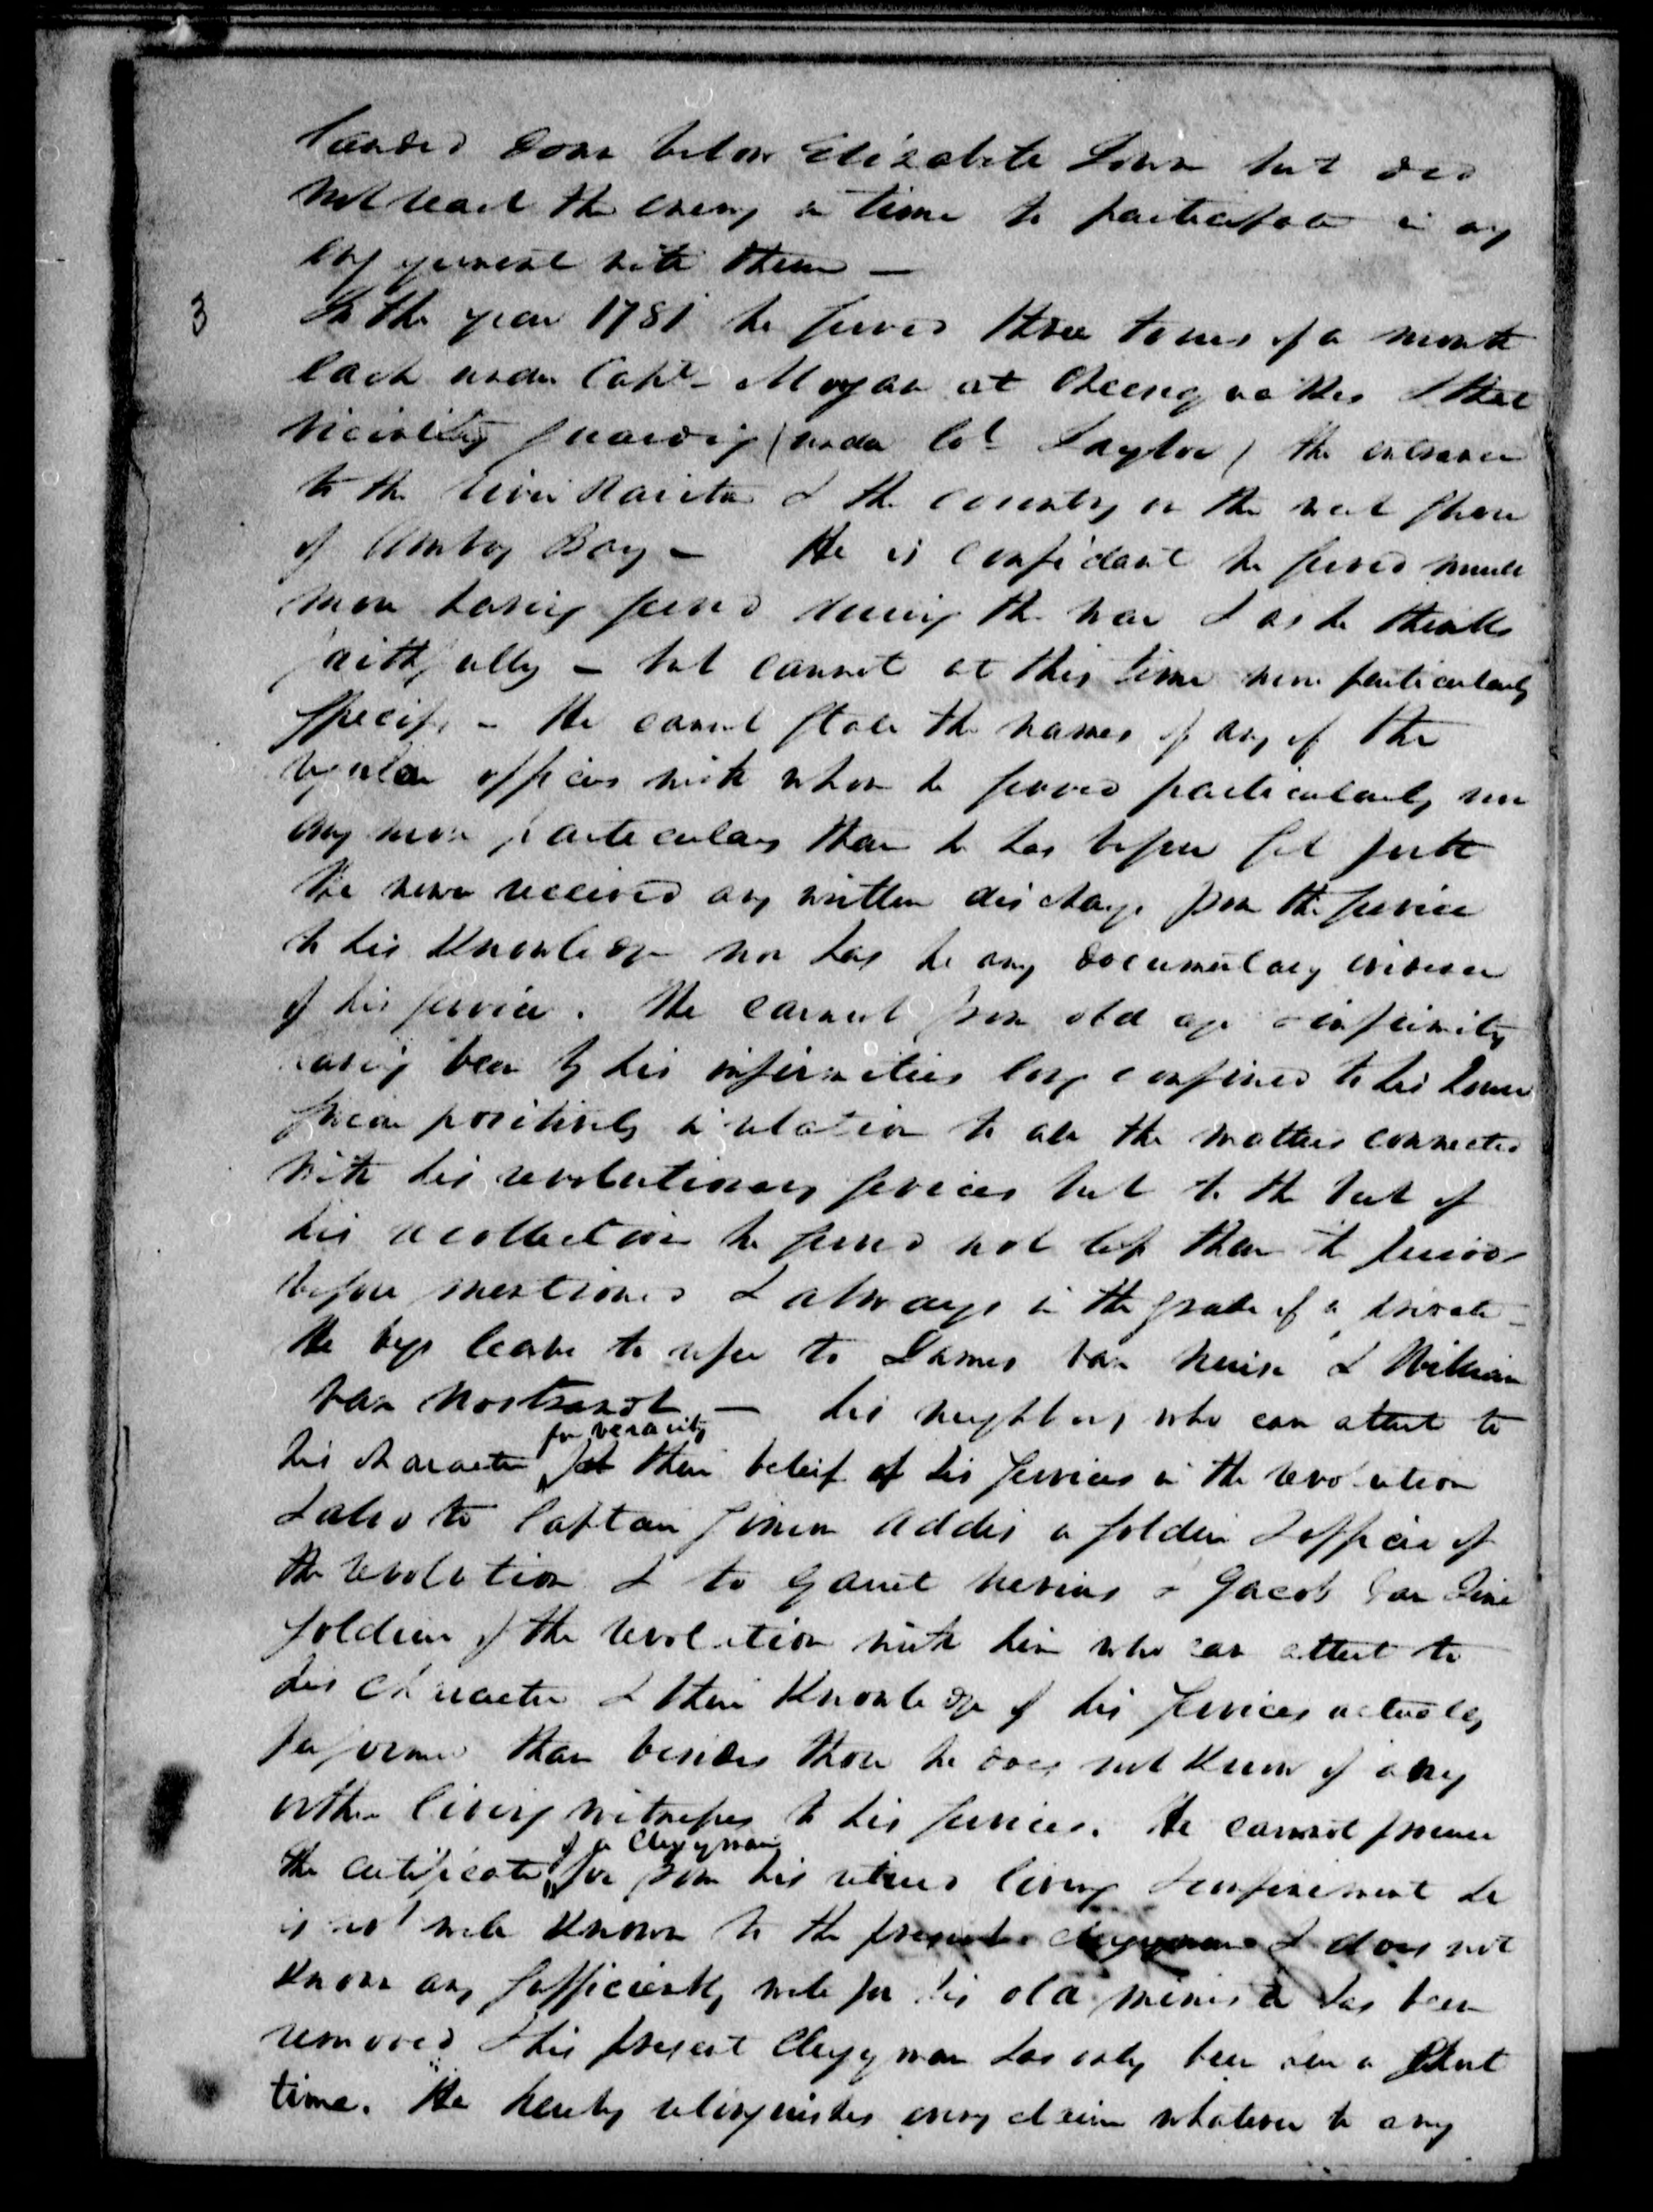anded dear below Elizabeth town he did
not reach the every a time to participate way
by yearest with themto
the year 1781 he served three times of a month
each under Capt Mayan at lengths that
Viciity Guard under Col Taylor the entrance
to the River Raritan & the County of the set then
of Amboy Bay - He is confident he served and
men having and being the war & as he thinks
with all - at cannot at this time he perticularly
Speci - He can state the names of any of the
regular offices with whom he served particularly in
by him particular than he has before for forth
the new received any written discharge on the service
to his knowledge nor has he any documentary evidence
of his service. The carant on old affinity
having been this infirmities by confined to his home
positively a relation to all the matters connected
with his revolution services but the but of
his recollection he find not less than the period
before mentioned & always in the grade of it
by leave to refer to James Van Herr & William
Van Nostrant - his neighbor, who can test to
his character than belief of his services in the revolution
sale to Captain Linen addis a solder officer of
the revolution & to Gaunt Nevins & Jacob Gardine
soldier of the revolution with him who has attest tohis

character & then knowledge of his sevices actually
formed that besides those he does not know of any
other living witnesses to his services he cannot from
the certificate for his relies living enferment
is well known to the present does not
Sworn and sufficiently will for is old minister has been
removed this present Clergy was hardly been but
time. He hereby relinquishes every claim whatever to any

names: Taylor, Moyan, James Van Nuise, William Van Nostrandt, Jacob Van Tine, Simon Addis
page: 7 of 12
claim: survivor's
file: S. 1136, Stephen Van Sickle, New Jersey